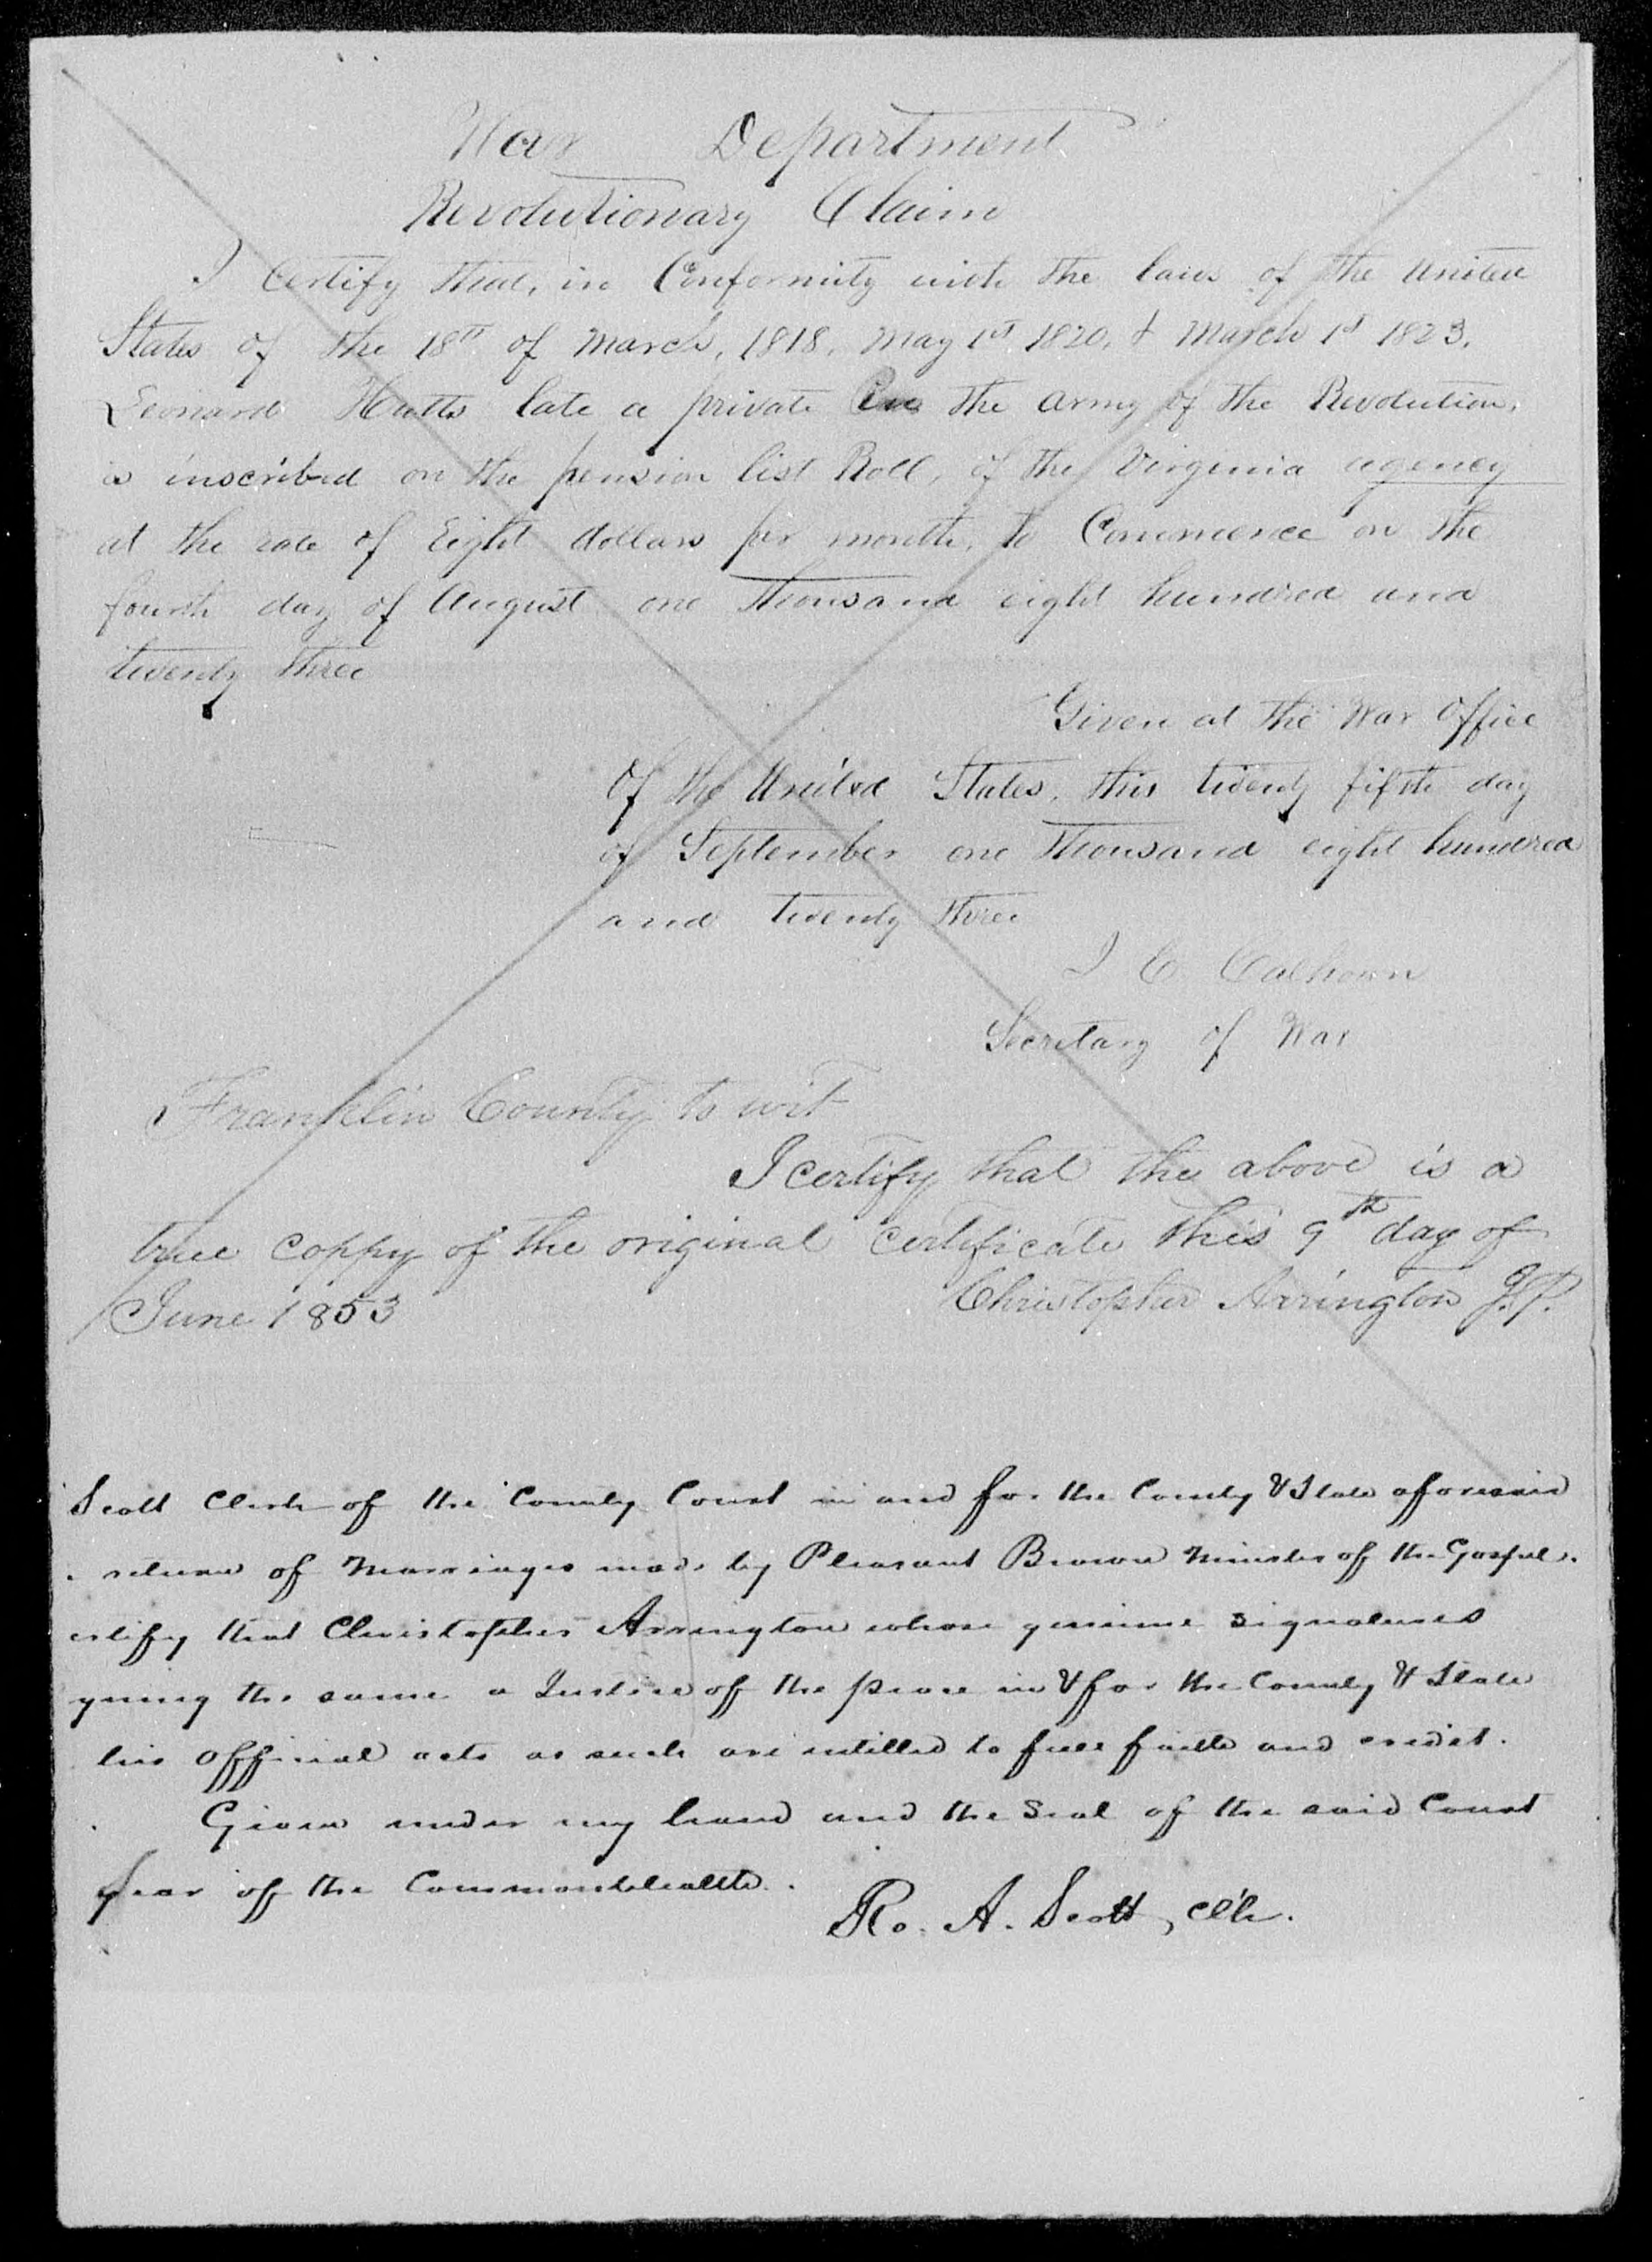[paragraphs scratched out]

Scott Clerk of the Couty Court in and for the County & State aforesaid returns of marriages made by Pleasant Brown Minister of the Grateful. Certify that Christopher Arrington whose genuine signatures giving the same a Justice of the Peace in & for the County & State his official acts as such are entitled to full faith and credit.
Given under my hand and the Seal of the said Court [Illegible] of the Commonwealth.
Ro A. Scott, Clk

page: 7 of 33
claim: widow's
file: W. 550, for Leonard Hutts, Virginia